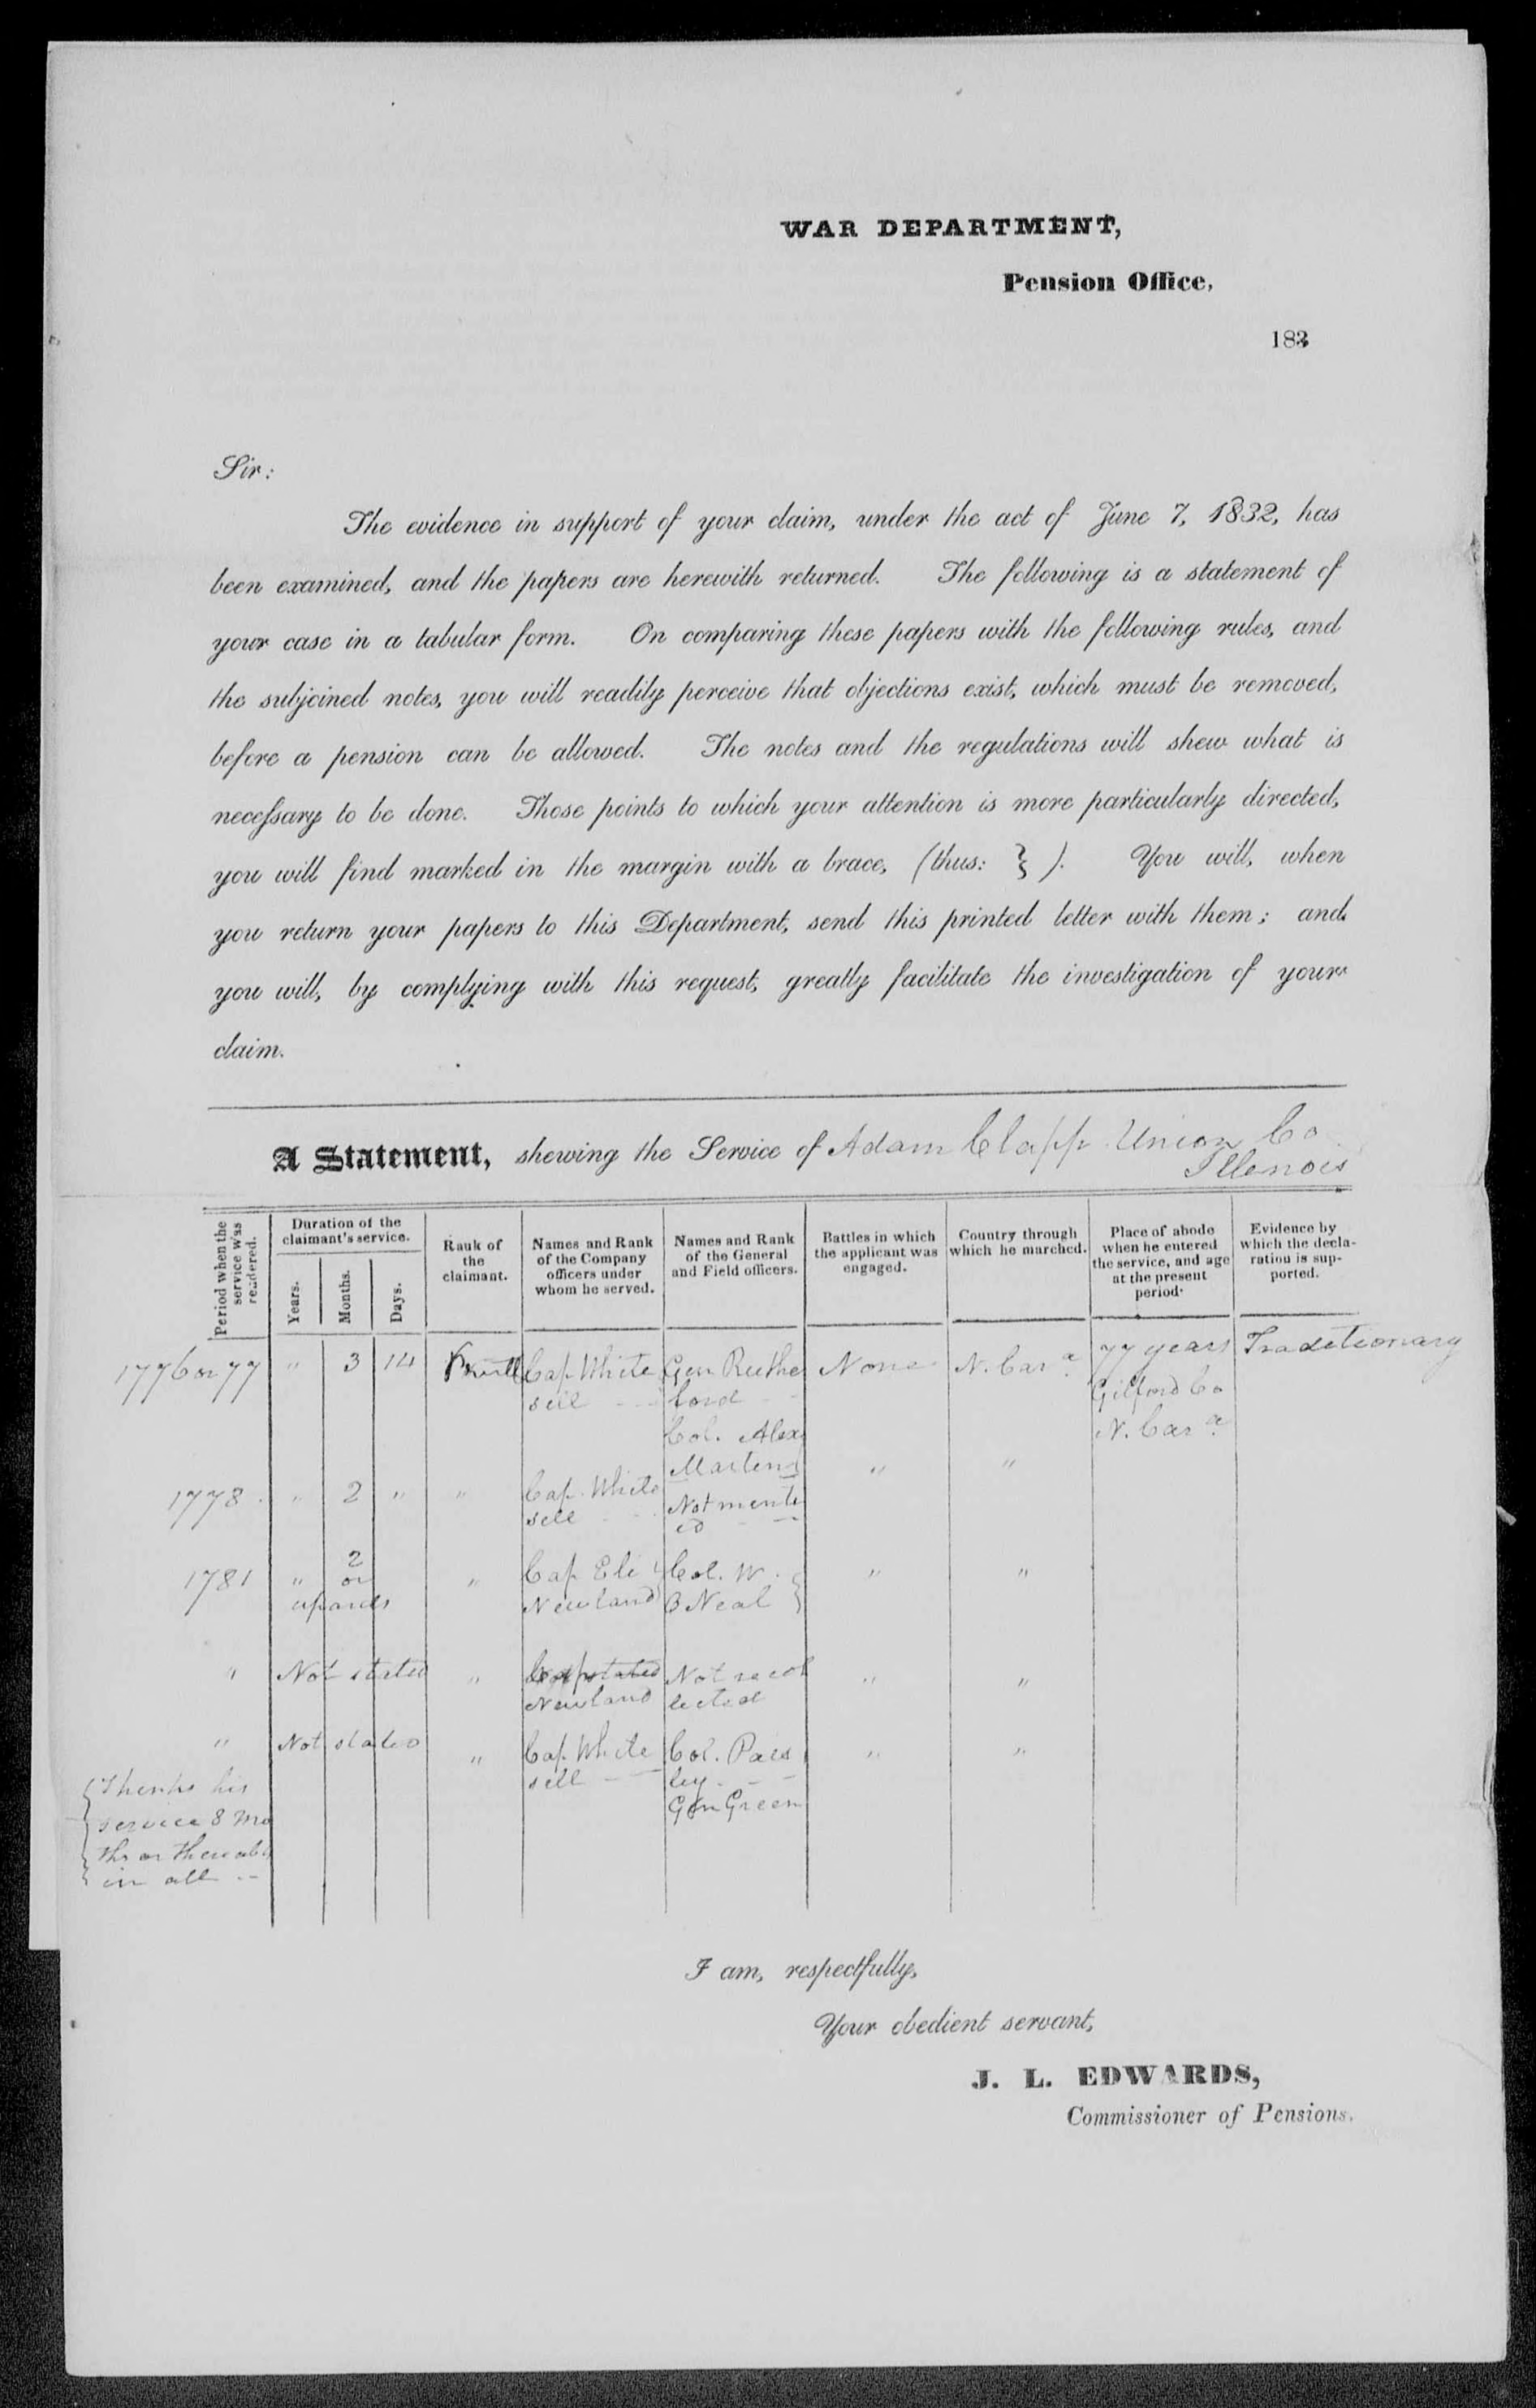WAR DEPARTMENT,
Pension Office,
182

Sir:
The evidence in support of your claim, under the act of June 7, 1832, has
been examined, and the papers are herewith returned. The following is a statement of
your case in a tabular form. On comparing these papers with the following rules, and
the subjoined notes, you will readily perceive that objections exist, which must be removed,
before a pension can be allowed. The notes and the regulations will shew [show] what is
necessary to be done. Those points to which your attention is more particularly directed,
you will find marked in the margin with a brace, (thus: }). You will, when
you return your papers to this Department, send this printed letter with them; and
you will, by complying with this request, greatly facilitate the investigation of your
claim.

A Statement, shewing the Service of Adam Clapp Union Co Illinois

[column headings:  Period when the service was rendered.; Duration of the claimant's service. Years. Months. Days. Rank of the claimant. Names and Rank of the Company officers under whom he served.  Names and Rank of the General and Field officers.  Battles in which the applicant was engaged.  Country through which he marched.  Place of abode when he entered the service, and age at the present period.  Evidence by which the declaration is supported.]

1776 or 77.  3 [Months] 14 [Days].  Private.  Cap. Whitesell.  Gen Rutheford, Col. Alex Martin.  None.  N. Cara.  77 years, Guilford Co. N. Cara. Traditionary.

1778.  2 [Months] 14 [Days].  " [Private].  Cap. Whitesell.  Not [illegible].  "[None ].  "[N. Cara.]

1781.  2 [Months] or upwards.  " [Private].  Capt. Eli Newland.  Col. W. B. Neal.  " [None].  " [N. Cara.].

" [1781].  Not stated.  " [Private].  Capt {illegible] Newland.  Not recollected.  " [None].  " [N. Cara].  

" [1781].  Not stated.  " [Private].  Capt. Whitesell.  Col. Paisley, Gen Green. " {None].  " [N. Cara].

Thinks his
service 8 Mo
ths or thereabts. 
in all.

I am, respectfully,
Your obedient servant,
J. L. EDWARDS,
Commissioner of Pensions.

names: Adam Clapp, J L Edwards, Whitesell, Paisley, Whitesell, Whitesell, Rutheford, W B Neal, Eli Newland, Green, Alex Martin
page: 8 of 23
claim: survivor's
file: S. 30,937, Adam Clapp, N.C.